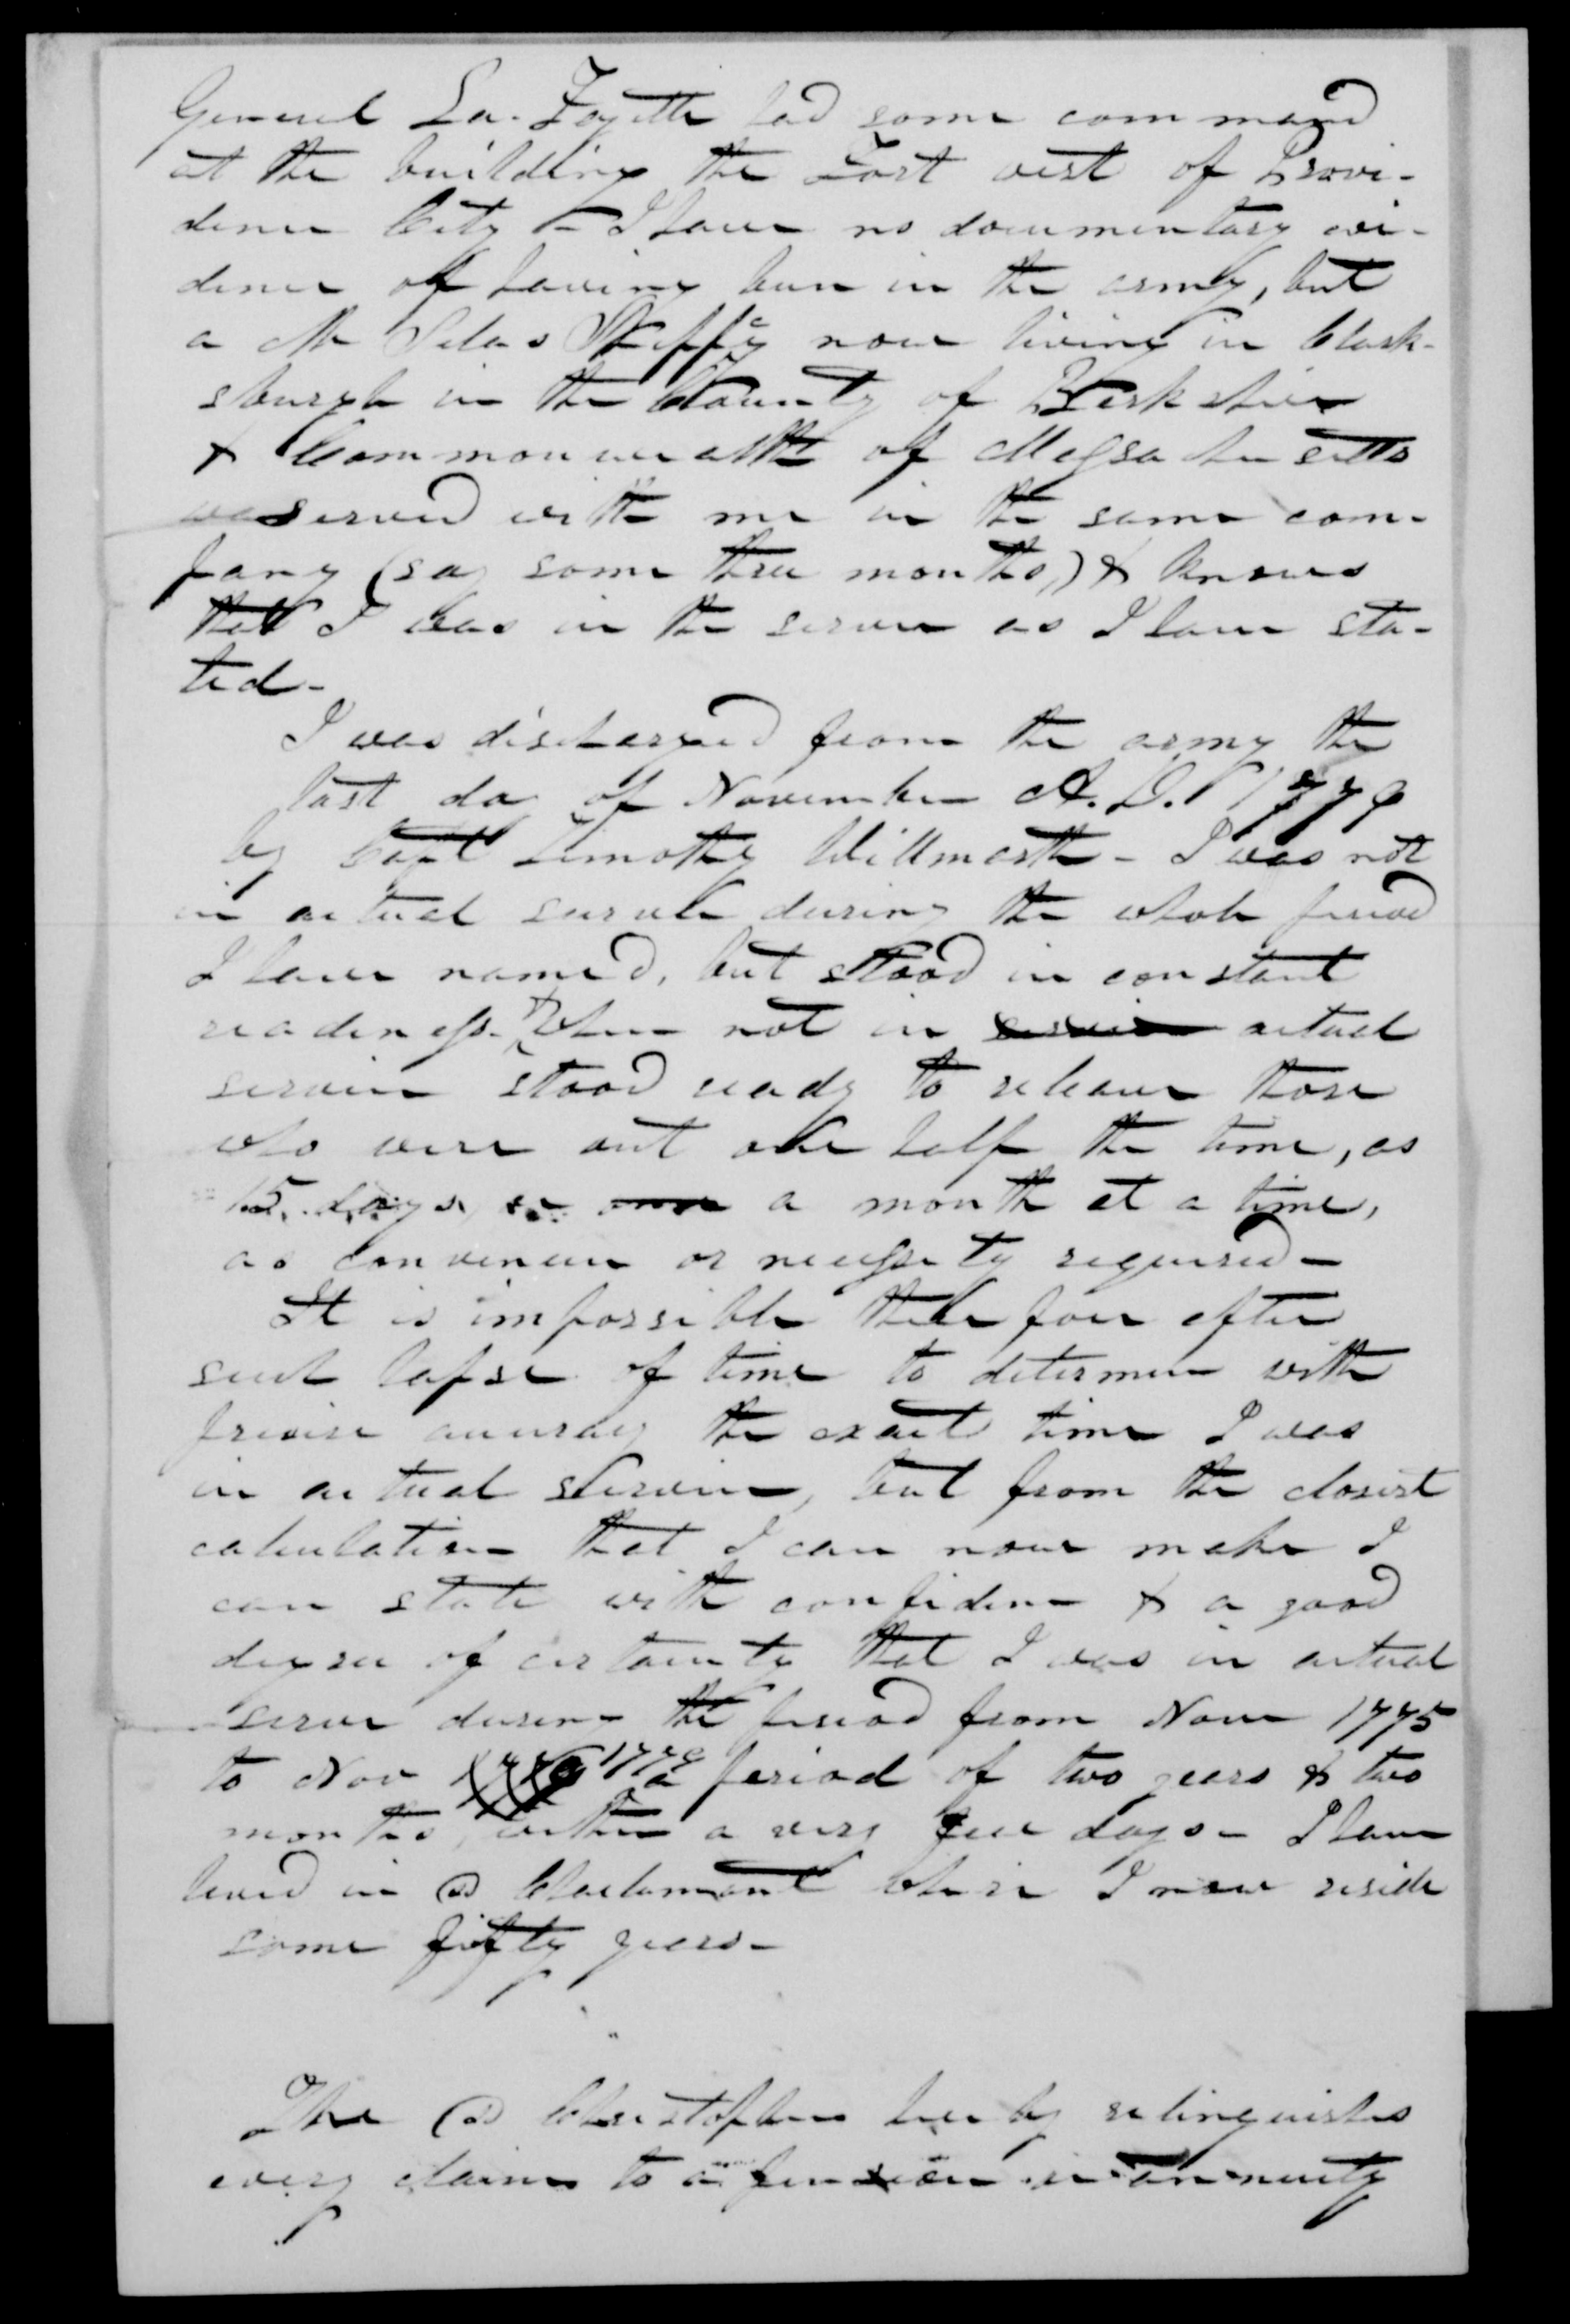General La Fayette had some command
at the building the Fort west of Providence City I have no documentary evidence
of having been in the army, but a Mr Selas 
[Kippy] now living in Clarksburgh in the County of Berkshire and Commonwealth of Massachusetts served with me in the same company (say a some three months,) & knows
that I was in the service as I have stated.
I was discharged from the army the
last day of November A.D. 1779 by Capt Timothy Willmarth-- I was not
in actual service during the whole [freed]
I have named, but stood in constant
readiness when not in actual
service stood ready to releave those
who were out one half the time, as
5 days on a month at a time,
as can [illegible] or necessity required-
It is impossible there four after
such lapse of time to determine with
precise accuracy and the exact time I was
in actual service, but from the closest
calculation that I can now make I
can state with confidence to  a good
degree of certainty to that I was in actual
service during the period from Nov 1775
to Nov 1779 period of two years & two months  within [illegible] days - I have
lived in Charlemont where I now reside
some fifty years

The [illegible] Christopher [illegible] relinquishes every claim to a pension or annuity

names: [BLANK] La Fayette; Christopher [BLANK]; Timothy Willmarth; Silas Shippee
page: 7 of 20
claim: survivor's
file: S. 30,698, for Christopher Shippee, Rhode Island